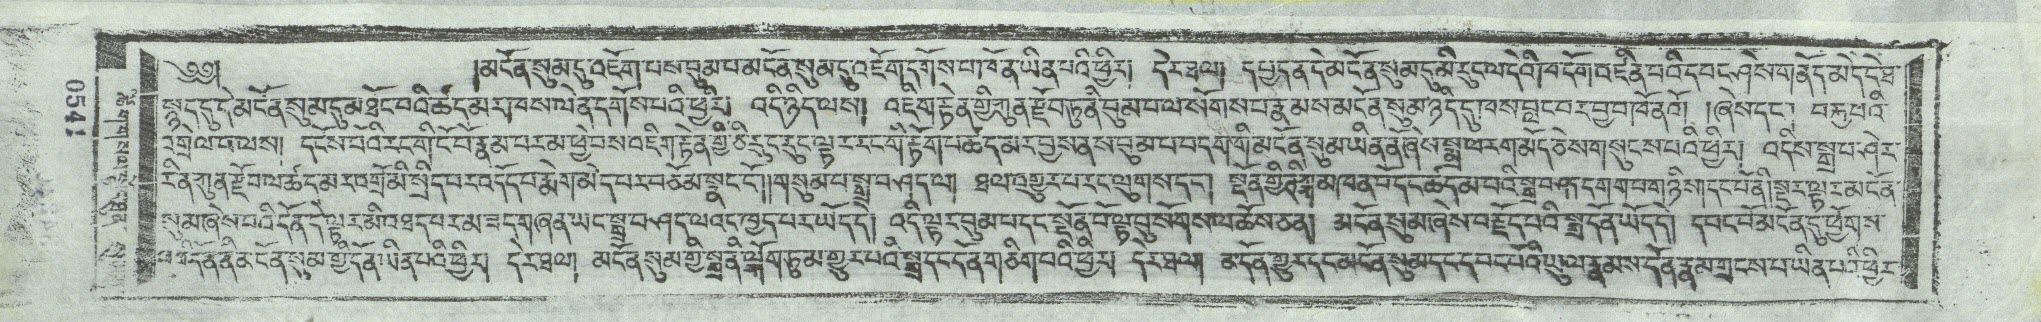༄༅། །མངོན་སུམ་དུ་འཇོག་པས་བུམ་པ་མངོན་སུམ་དུ་འཇོག་དགོས་པ་ཁོ་ན་ཡིན་པའི་ཕྱིར། དེར་ཐལ། དཔྱད་ན་དེ་མངོན་སུམ་དུ་མི་རུང་ལ་དེའི་ཁ་དོག་འཛིན་པའི་དབང་ཤེས་གནོད་མེད་དེ་ཐ་
སྙད་དུ་དེ་མངོན་སུམ་དུ་མཐོང་བའི་ཚད་མར་ཁས་ལེན་དགོས་པའི་ཕྱིར། འདི་ཉིད་ལས། འཇིག་རྟེན་གྱི་ཀུན་རྫོབ་ཏུ་ནི་བུམ་པ་ལ་སོགས་པ་རྣམས་མངོན་སུམ་ཉིད་དུ་ཁས་བླང་བར་བྱ་བ་ཁོ་ན་འོ། །ཞེས་དང་། བརྒྱ་པའི་
འགྲེལ་པ་ལས། དངོས་པོའི་རང་གི་ངོ་བོ་རྣམ་པར་མ་ཕྱེ་བས་འཇིག་རྟེན་གྱི་ཅི་རུང་རུང་ལྟར་རང་གི་རྟོག་པ་ཚད་མར་བྱས་ནས་བུམ་པ་བདག་གི་མངོན་སུམ་ཡིན་ནོ་ཞེས་སྨྲ་ལ་རག་མོད་ཅེས་གསུངས་པའི་ཕྱིར། འདིས་སྒྲ་པ་ཤེར་
རིན་ཀུན་རྫོབ་ལ་ཚད་མར་འགྲོ་མི་སྲིད་པར་འདོད་པ་རྨེག་མེད་པར་བཅོམ་སྣང་ངོ། །གསུམ་པ་སྒྲ་བཤད་ལ། ཐལ་འགྱུར་པ་རང་ལུགས་དང་། སྔོན་གྱི་ཊིཀྐ་མཁན་པོ་དང་ཚད་མ་པའི་སྒྲ་བཤད་དགག་པ་གཉིས། དང་པོ་ནི། སྔར་ལྟར་མངོན་
སུམ་ཞེས་པའི་དོན་དེ་ལྟར་མི་འཐད་པར་མ་ཟད་གཞན་ཡང་སྒྲ་བཤད་ལའང་ཁྱད་པར་ཡོད་དེ། འདི་ལྟར་བུམ་པ་དང་སྔོན་པོ་ལྟ་བུ་སོགས་ལ་ཆོས་ཅན། མངོན་སུམ་ཞེས་བརྗོད་པའི་སྒྲ་དོན་ཡོད་དེ། དབང་པོ་མངོན་དུ་ཕྱོགས་
པའི་དོན་ནི་མངོན་སུམ་གྱི་དོན་ཡིན་པའི་ཕྱིར། དེར་ཐལ། མངོན་སུམ་གྱི་སྒྲ་ནི་ལྐོག་ཏུ་མ་གྱུར་པའི་སྒྲ་དང་དོན་གཅིག་པའི་ཕྱིར། དེར་ཐལ། མངོན་གྱུར་དང་མངོན་སུམ་དང་དབང་པོའི་ཡུལ་རྣམས་དོན་རྣམ་གྲངས་པ་ཡིན་པའི་ཕྱིར་